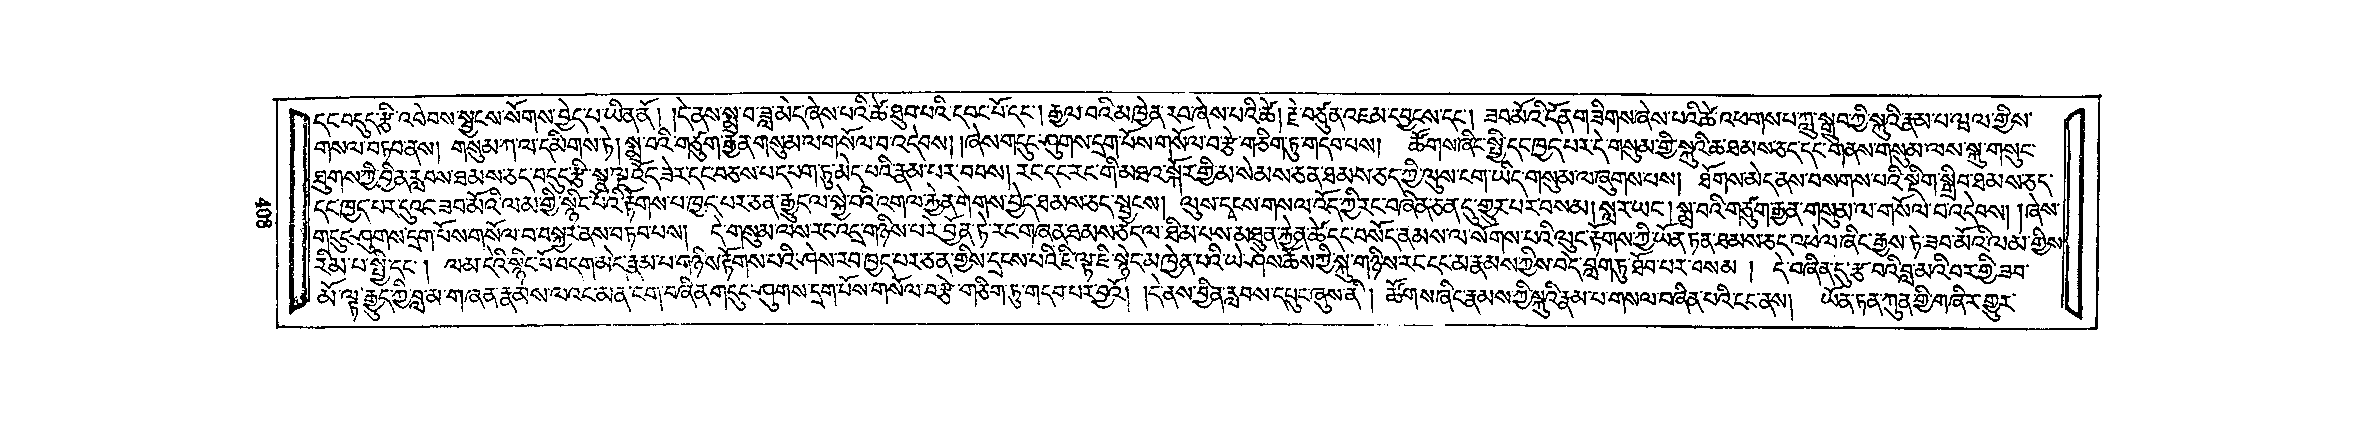དང་བདུད་རྩི་འབེབས་སྦྱངས་སོགས་བྱེད་པ་ཡིན་ནོ། །དེ་ནས་སྨྲ་བ་ཟླ་མེད་ཞེས་པའི་ཚེ་ཐུབ་པའི་དབང་པོ་དང་། རྒྱལ་བའི་མཁྱེན་རབ་ཞེས་པའི་ཚེ། རྗེ་བཙུན་འཇམ་དབྱངས་དང་། ཟབ་མོའི་དོན་གཟིགས་ཞེས་པའི་ཚེ་འཕགས་པ་ཀླུ་སྒྲུབ་ཀྱི་སྐུའི་རྣམ་པ་ཝལ་གྱིས་
གསལ་བཏབ་ནས། གསུམ་ཀ་ལ་དམིགས་ཏེ། སྨྲ་བའི་གཙུག་རྒྱན་གསུམ་ལ་གསོལ་བ་འདེབས། །ཞེས་གདུང་ཤུགས་དྲག་པོས་གསོལ་བ་རྩེ་གཅིག་ཏུ་གདབ་པས། ཚོགས་ཞིང་སྤྱི་དང་ཁྱད་པར་དེ་གསུམ་གྱི་སྐུའི་ཆ་ཐམས་ཅད་དང་གནས་གསུམ་ལས་སྐུ་གསུང་
ཐུགས་ཀྱི་བྱིན་རླབས་ཐམས་ཅད་བདུད་རྩི་སྣ་ལྔ་འོད་ཟེར་དང་བཅས་པ་དཔག་ཏུ་མེད་པའི་རྣམ་པར་བབས། རང་དང་རང་གི་མཐའ་སྐོར་གྱི་མ་སེམས་ཅན་ཐམས་ཅད་ཀྱི་ལུས་ངག་ཡིད་གསུམ་ལ་ཞུགས་པས། ཐོགས་མེད་ནས་བསགས་པའི་སྡིག་སྒྲིབ་ཐམས་ཅད་
དང་ཁྱད་པར་དུའང་ཟབ་མོའི་ལམ་གྱི་སྙིང་པོའི་རྟོགས་པ་ཁྱད་པར་ཅན་རྒྱུད་ལ་སྐྱེ་བའི་འགལ་རྐྱེན་གེགས་བྱེད་ཐམས་ཅད་སྦྱངས། ལུས་དྭངས་གསལ་འོད་ཀྱི་རང་བཞིན་ཅན་དུ་གྱུར་པར་བསམ། སླར་ཡང་། སྨྲ་བའི་གཙུག་རྒྱན་གསུམ་ལ་གསོལ་བ་འདེབས། །ཞེས་
གདུང་ཤུགས་དྲག་པོས་གསོལ་བ་བསྐྱར་ནས་བཏབ་པས། དེ་གསུམ་ལས་རང་འདྲ་གཉིས་པ་རེ་བྱོན་ཏེ་རང་གཞན་ཐམས་ཅད་ལ་ཐིམ་པས་མཐུན་རྐྱེན་ཚེ་དང་བསོད་ནམས་ལ་སོགས་པའི་ལུང་རྟོགས་ཀྱི་ཡོན་ཏན་ཐམས་ཅད་འཕེལ་ཞིང་རྒྱས་ཏེ་ཟབ་མོའི་ལམ་གྱིས་
རིམ་པ་སྤྱི་དང་། ལམ་དེའི་སྙིང་པོ་བདག་མེད་རྣམ་པ་གཉིས་རྟོགས་པའི་ཤེས་རབ་ཁྱད་པར་ཅན་གྱིས་དྲངས་པའི་ཇི་ལྟ་ཇི་སྙེད་མཁྱེན་པའི་ཡེ་ཤེས་ཆོས་ཀྱི་སྐུ་གཉིས་རང་དང་མ་རྣམས་ཀྱིས་བདེ་བླག་ཏུ་ཐོབ་པར་བསམ། དེ་བཞིན་དུ་རྩ་བའི་བླ་མའི་བར་གྱི་ཟབ་
མོ་ལྟ་རྒྱུད་ཀྱི་བླ་མ་གཞན་རྣམས་ལའང་མན་ངག་བཞིན་གདུང་ཤུགས་དྲག་པོས་གསོལ་བ་རྩེ་གཅིག་ཏུ་གདབ་པར་བྱའོ། །དེ་ནས་བྱིན་རླབས་དཔུང་ཞུས་ནི། ཚོགས་ཞིང་རྣམས་ཀྱི་སྐུའི་རྣམ་པ་གསལ་བཞིན་པའི་ངང་ནས། ཡོན་ཏན་ཀུན་གྱི་གཞིར་གྱུར་